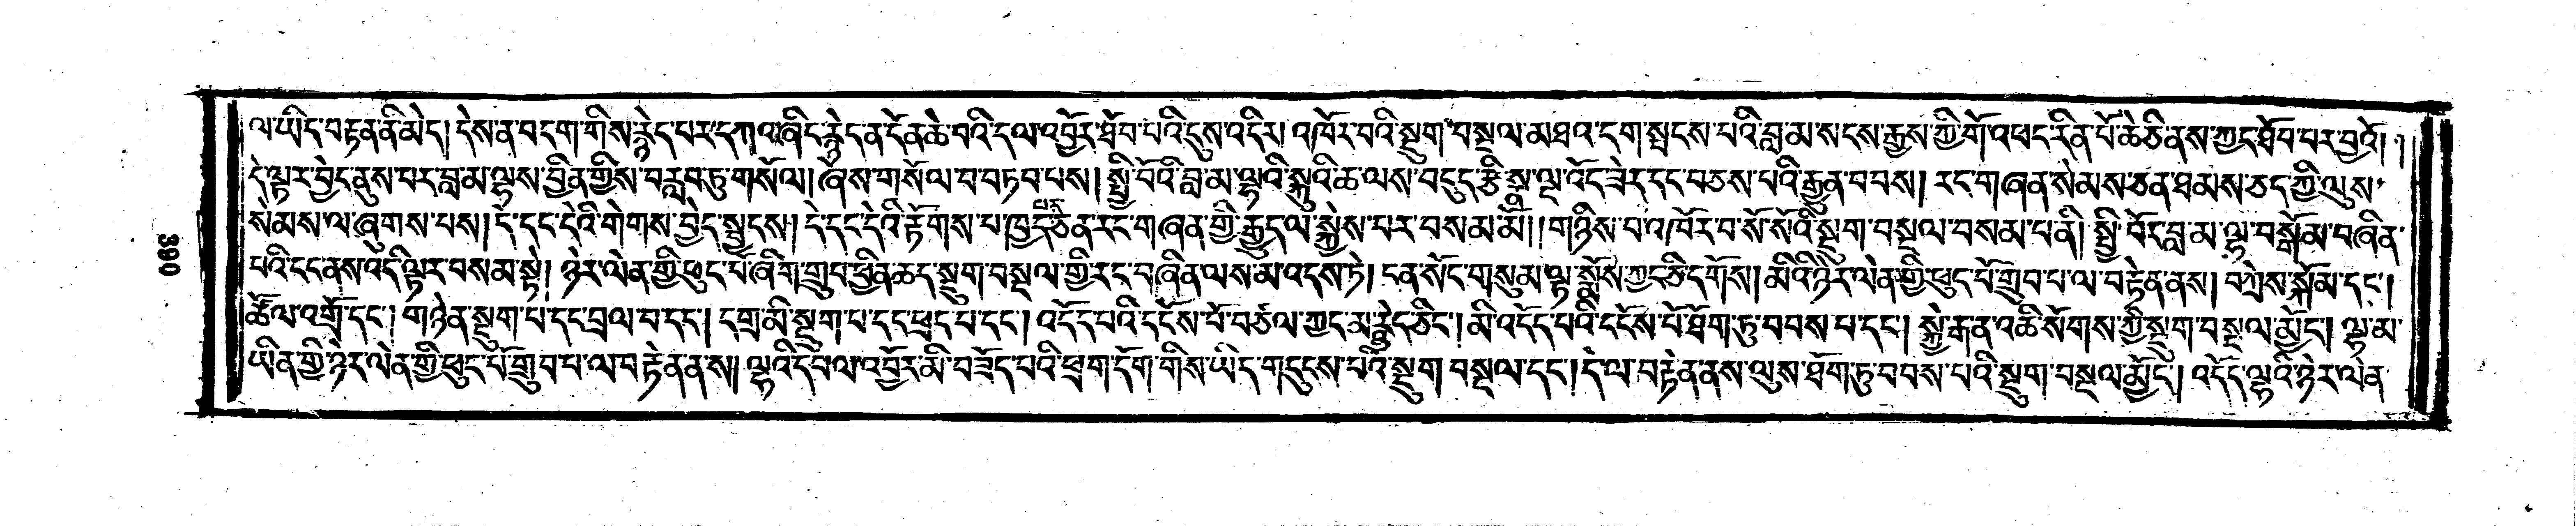ལ་ཡིད་བརྟན་ནི་མེད། དེས་ན་བདག་གིས་རྙེད་པར་དཀའ་ཞིང་རྙེད་ན་དོན་ཆེ་བའི་དལ་འབྱོར་ཐོབ་པའི་དུས་འདིར། འཁོར་བའི་སྡུག་བསྔལ་མཐའ་དག་སྤངས་པའི་བླ་མ་སངས་རྒྱས་ཀྱི་གོ་འཕང་རིན་པོ་ཆེ་ཅི་ནས་ཀྱང་ཐོབ་པར་བྱའོ། །
དེ་ལྟར་བྱེད་ནུས་པར་བླ་མ་ལྷས་བྱིན་གྱིས་བརླབ་ཏུ་གསོལ། ཞེས་གསོལ་བ་བཏབ་པས། སྤྱི་བོའི་བླ་མ་ལྷའི་སྐུའི་ཆ་ལས་བདུད་རྩི་སྣ་ལྔ་འོད་ཟེར་དང་བཅས་པའི་རྒྱུན་བབས། རང་གཞན་སེམས་ཅན་ཐམས་ཅད་ཀྱི་ལུས་
སེམས་ལ་ཞུགས་པས། དེ་དང་དེའི་གེགས་བྱེད་སྦྱངས། དེ་དང་དེའི་རྟོགས་པ་ཁྱད་ཅན་རང་གཞན་གྱི་རྒྱུད་ལ་སྐྱེས་པར་བསམ་མོ། །གཉིས་པ་འཁོར་བ་སོ་སོའི་སྡུག་བསྔལ་བསམ་པ་ནི། སྤྱི་བོར་བླ་མ་ལྟ་བསྒོམ་བཞིན་
པའི་ངང་ནས་འདི་ལྟར་བསམ་སྟེ། ཉེར་ལེན་གྱི་ཕུང་པོ་ཞིག་གྲུབ་ཕྱིན་ཆད་སྡུག་བསྔལ་གྱི་རང་བཞིན་ལས་མ་འདས་ཏེ། ངན་སོང་གསུམ་ལྟ་སྨོས་ཀྱང་ཅི་དགོས། མིའི་ཉེར་ལེན་གྱི་ཕུང་པོ་གྲུབ་པ་ལ་བརྟེན་ནས། བཀྲེས་སྐོམ་དང་།
ཚོལ་འགྲོ་དང་། གཉེན་སྡུག་པ་དང་བྲལ་བ་དང་། དགྲ་མི་སྡུག་པ་དང་ཕྲད་པ་དང་། འདོད་པའི་དངོས་པོ་བཙལ་ཀྱང་མ་རྙེད་ཅིང་། མི་འདོད་པའི་དངོས་པོ་ཐོག་ཏུ་བབས་པ་དང་། སྐྱེ་རྒ་ན་འཆི་སོགས་ཀྱི་སྡུག་བསྔལ་མྱོང་། ལྷ་མ་
ཡིན་གྱི་ཉེར་ལེན་གྱི་ཕུང་པོ་གྲུབ་པ་ལ་བརྟེན་ནས། ལྷའི་དཔལ་འབྱོར་མི་བཟོད་པའི་ཕྲག་དོག་གིས་ཡིད་གདུངས་པའི་སྡུག་བསྔལ་དང་། དེ་ལ་བརྟེན་ནས་ལུས་ཐོག་ཏུ་བབས་པའི་སྡུག་བསྔལ་མྱོང་། འདོད་ལྷའི་ཉེར་ལེན་